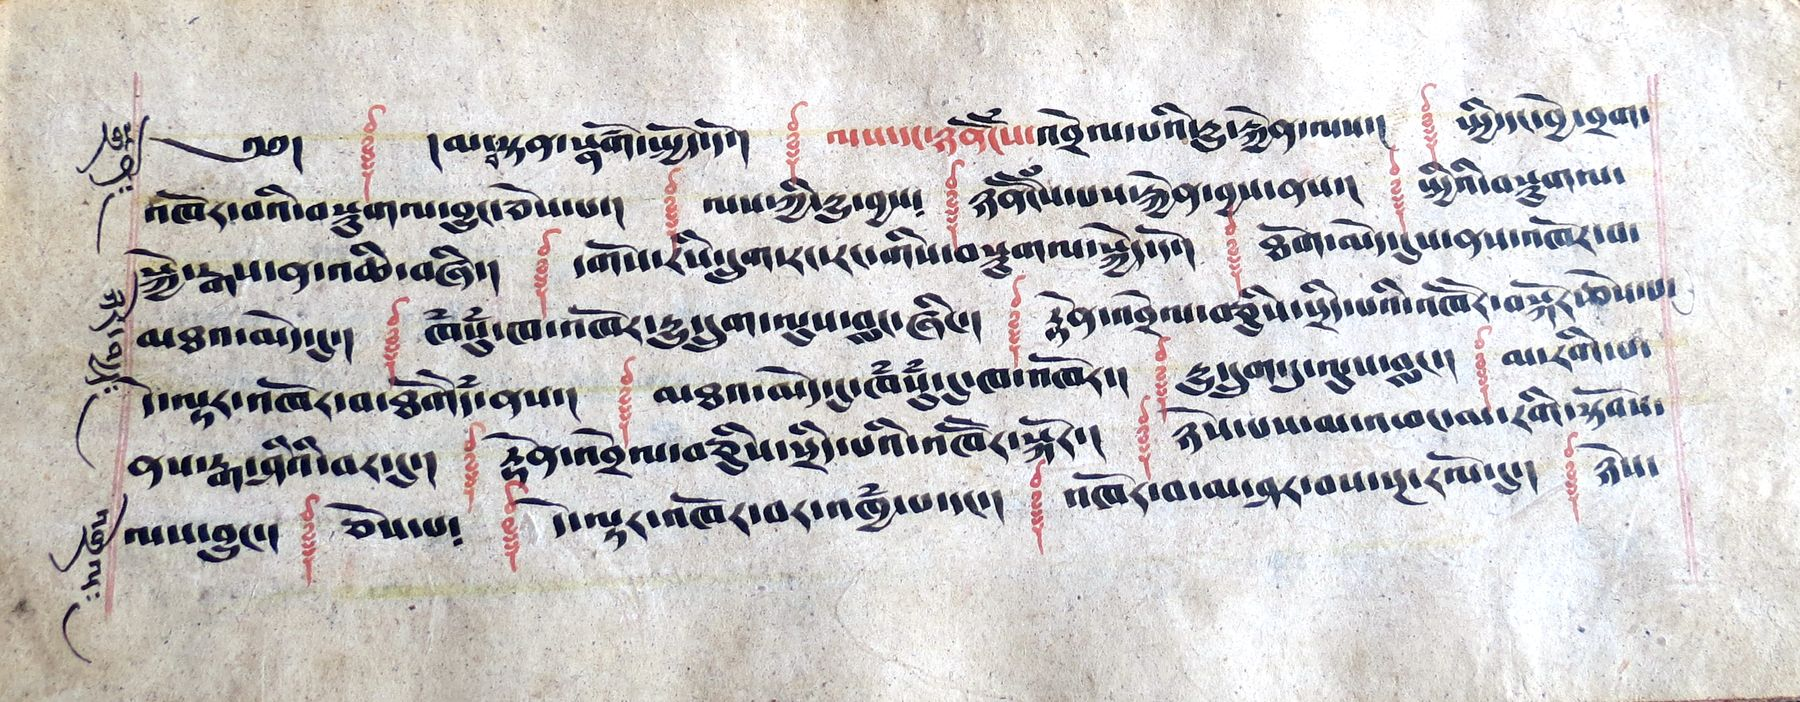སྣ་ཚོགས་སྤྱོད་དོ། །ལས་དང་ཉོན་མོངས་འབྲེལ་བའི་རྒྱུ་རྐྱེན་ལས། སྤྱི་དང་བྱེ་བྲག་
འཁོར་བའི་སྡུག་བསྔལ་བྱུང་། །ཞེས་པས། ལས་ཀྱི་རྒྱུ་བྱས་ཉོན་མོངས་པས་རྐྱེན་བྱས་ནས། སྤྱིའི་སྡུག་བསྔལ་
སྐྱེ་རྒ་ན་འཆི་བཞི། སྒོས་རིས་དྲུག་རང་རང་གི་སྡུག་བསྔལ་བསྐྱེད་དོ། །ཐོག་མེད་དུས་ནས་འཁོར་བ་
མཐའ་མེད་དུ། ཁམས་གསུམ་ཁ་འཁོར་རྒྱུ་དྲུག་ལུས་བླང་ཞིང་། རྟེན་འབྲེལ་བཅུ་གཉིས་སྲིད་པའི་འཁོར་ལོ་བསྐོར། །ཞེས་པས་
དེ་ལྟར་འཁོར་བ་ཐོག་མེད་ནས། མཐའ་མེད་དུ་ཁམས་གསུམ་དུ་ཁ་འཁོར། རྒྱུ་དྲུག་ཏུ་ལུས་བླངས། མ་རིག་པ་
ནས་རྒ་ཤིའི་བར་དུ། རྟེན་འབྲེལ་བཅུ་གཉིས་སྲིད་པའི་འཁོར་ལོ་བསྐོར། ཉེས་པས་མ་འཕངས་མ་རིག་སྟོབས་
ལས་བྱུང་ཞེས་པས། དེ་ལྟར་འཁོར་བར་འཁྱམས་པ་དང་། འཁོར་བ་མ་ཤར་བའི་སྔ་རོལ་དུ། ཉེས་